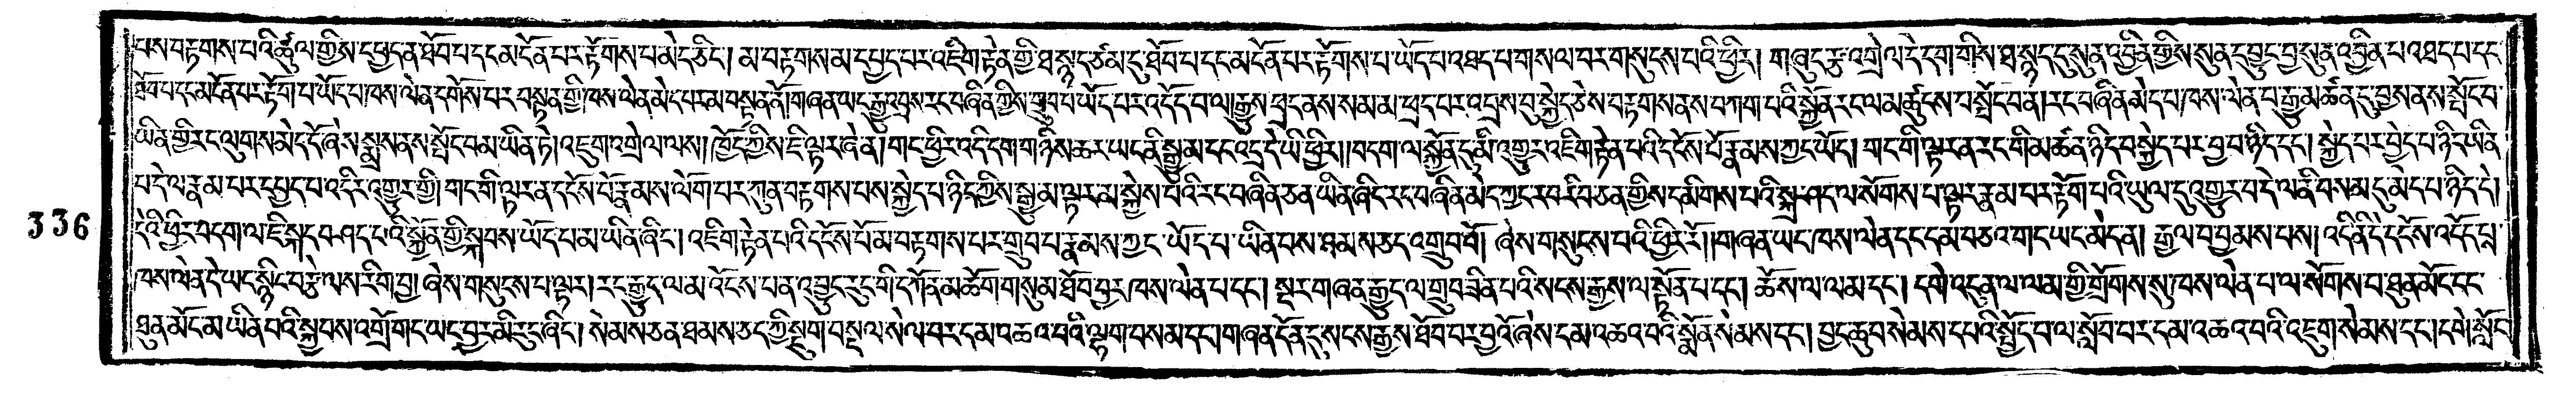པས་བརྟགས་པའི་ཚུལ་གྱིས་དཔྱད་ན་ཐོབ་པ་དང་མངོན་པར་རྟོགས་པ་མེད་ཅིང་། མ་བརྟགས་མ་དཔྱད་པར་འཇིག་རྟེན་གྱི་ཐ་སྙད་ཙམ་དུ་ཐོབ་པ་དང་མངོན་པར་རྟོགས་པ་ཡོད་པ་འཐད་པ་གསལ་བར་གསུངས་པའི་ཕྱིར། གཞུང་རྩ་འགྲེལ་དེ་དག་གིས་ཐ་སྙད་དུ་སུན་འབྱིན་གྱིས་སུན་དབྱུང་བྱ་སུན་འབྱིན་པ་འཐད་པ་དང་
ཐོབ་པ་དང་མངོན་པར་རྟོག་པ་ཡོད་པ་ཁས་ལེན་དགོས་པར་བསྟན་གྱི་ཁས་ལེན་མེད་པར་མ་བསྟན་ནོ། གཞན་ཡང་རྒྱུ་འབྲས་རང་བཞིན་གྱིས་གྲུབ་པ་ཡོད་པར་འདོད་པ་ལ། རྒྱུས་ཕྲད་ནས་སམ་མ་ཕྲད་པར་འབྲས་བུ་སྐྱེད་ཅེས་བརྟགས་ནས་བཀག་པའི་སྐྱོན་རང་ལ་མཚུངས་པ་སྤོང་བ་ན། རང་བཞིན་མེད་པ་ཁས་ལེན་པ་རྒྱུ་མཚན་དུ་བྱས་ནས་སྤོང་བ་
ཡིན་གྱི་རང་ལུགས་མེད་དོ་ཞེས་སྨྲས་ནས་སྤོང་བ་མ་ཡིན་ཏེ། འཇུག་འགྲེལ་ལས། ཁྱོད་ཀྱིས་ཇི་ལྟར་ཞེ་ན། གང་ཕྱིར་འདི་དག་གཉིས་ཆར་ཡང་ནི་སྒྱུ་མ་དང་འདྲ་དེ་ཡི་ཕྱིར། །བདག་ལ་སྐྱོན་དུ་མི་འགྱུར་འཇིག་རྟེན་པའི་དངོས་པོ་རྣམས་ཀྱང་ཡོད། གང་གི་ལྟར་ན་རང་གི་མཚན་ཉིད་བསྐྱེད་པར་བྱ་བ་ཉིད་དང་། སྐྱེད་པར་བྱེད་པ་ཉིད་ཡིན་
པ་དེ་ལ་རྣམ་པར་དཔྱད་པ་འདིར་འགྱུར་གྱི། གང་གི་ལྟར་ན་དངོས་པོ་རྣམས་ལོག་པར་ཀུན་བརྟགས་པས་སྐྱེད་པ་ཉིད་ཀྱིས་སྒྱུ་མ་ལྟར་མ་སྐྱེས་པའི་རང་བཞིན་ཅན་ཡིན་ཞིང་རང་བཞིན་མེད་ཀྱང་རབ་རིབ་ཅན་གྱིས་དམིགས་པའི་སྐྲ་ཤད་ལ་སོགས་པ་ལྟར་རྣམ་པར་རྟོག་པའི་ཡུལ་དུ་འགྱུར་བ་དེ་ལ་ནི་བསམ་དུ་མེད་པ་ཉིད་དེ།
དེའི་ཕྱིར་བདག་ལ་ཇི་སྐད་བཤད་པའི་སྐྱོན་གྱི་སྐབས་ཡོད་པ་མ་ཡིན་ཞིང་། འཇིག་རྟེན་བའི་དངོས་པོ་མ་བརྟགས་པར་གྲུབ་པ་རྣམས་ཀྱང་ཡོད་པ་ཡིན་བས་ཐམས་ཅད་འགྲུབ་བོ། ཞེས་གསུངས་པའི་ཕྱིར་རོ། །གཞན་ཡང་ཁས་ལེན་དང་དམ་བཅའ་གང་ཡང་མེད་ན། རྒྱལ་བ་བྱམས་པས། འདི་ནི་དེ་དངོས་འདོད་པས་
ཁས་ལེན་དེ་ཡང་སྙིང་བརྩེ་ལས་རིག་བྱ། ཞེས་གསུངས་པ་ལྟར། རང་རྒྱུད་ལ་མ་འོངས་པ་ན་འབྱུང་རུང་གི་དཀོན་མཆོག་གསུམ་ཐོབ་བྱར་ཁས་ལེན་པ་དང་། སྔར་གཞན་རྒྱུད་ལ་གྲུབ་ཟིན་པའི་སངས་རྒྱས་སྟོན་པ་དང་། ཆོས་ལ་ལམ་དང་། དགེ་འདུན་ལ་ལམ་གྱི་གྲོགས་སུ་ཁས་ལེན་པ་ལ་སོགས་པ་ཐུན་མོང་དང་
ཐུན་མོང་མ་ཡིན་པའི་སྐྱབས་འགྲོ་གང་ཡང་བྱར་མི་རུང་ཞིང་། སེམས་ཅན་ཐམས་ཅད་ཀྱི་སྡུག་བསྔལ་སེལ་བར་དམ་འཆའ་བའི་ལྷག་བསམ་དང་། གཞན་དོན་དུ་སངས་རྒྱས་ཐོབ་པར་བྱའོ་ཞེས་དམ་འཆའ་བའི་སྨོན་སེམས་དང་། བྱང་ཆུབ་སེམས་དཔའི་སྤྱོད་པ་ལ་སློབ་པར་དམ་འཆའ་བའི་འཇུག་སེམས་དང་། དགེ་སློང་